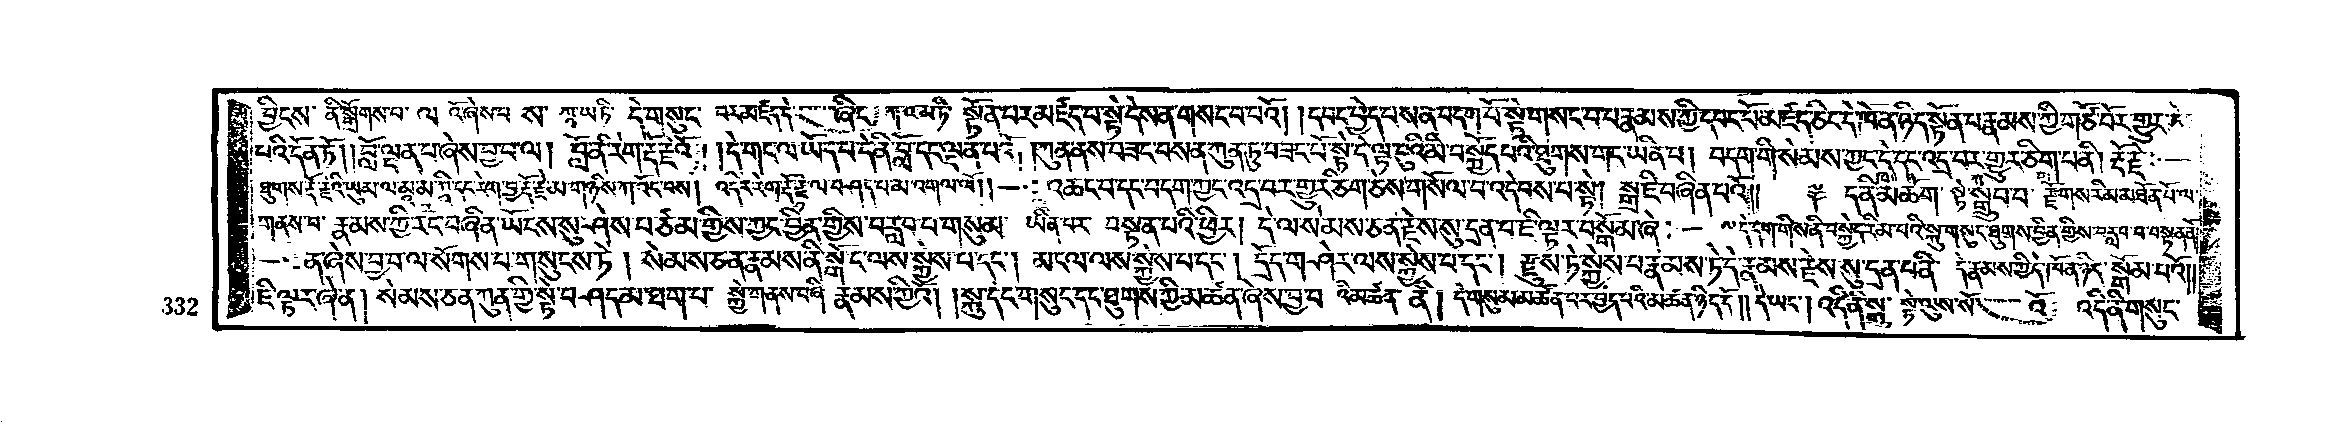དབྱིངས་ནི་སྒྲགས་པ་ལའོ་ཞེས་པས་ཀཱ་ཡ་ཏི་དེ་གསུང་བར་མཛད་དེ་ཞིང་ཀ་ཥ་?་ས་ཏི་སྟོན་པར་མཛད་པ་སྟེ་དེས་ན་གསང་བ་པའོ། །དབང་བྱེད་པས་ན་བདག་པོ་སྟེ་གསང་བ་པ་རྣམས་ཀྱི་དབང་པོ་མཛད་ཅིང་དེ་ཁོ་ན་ཉིད་སྟོན་པ་རྣམས་ཀྱི་གཙོ་བོར་གྱུར་ཅེས་
པའི་དོན་ཏོ། །བློ་ལྡན་པ་ཞེས་བྱ་བ་ལ། བློ་ནི་རེག་རྡོ་རྗེའོ། །དེ་གང་ལ་ཡོད་པ་དེ་ནི་བློ་དང་ལྡན་པའོ། །ཀུན་ནས་བཟང་པས་ན་ཀུན་ཏུ་བཟང་པོ་སྟེ་དེ་ལྟ་བུའི་མི་བསྐྱོད་པའི་ཐུགས་གང་ཡིན་པ། བདག་གི་སེམས་ཀྱང་དེ་དང་འདྲ་བར་གྱུར་ཅིག་པ་ནི། རྡོ་རྗེཿ
ཐུགས་རྡོ་རྗེའི་ཡུམ་ལ་མཱ་མ་ཀཱི་དང་རེག་བྱ་རྡོ་རྗེ་མ་གཉིས་ཀ་འོང་བས། འདིར་རེག་རྡོ་རྗེ་ལ་བཤད་པ་མི་འགལ་ལོ།།  .Hའཆང་བ་དང་བདག་ཀྱང་འདྲ་བར་གྱུར་ཅིག་ཅེས་གསོལ་བ་འདེབས་པ་སྟེ། སྒྲ་ཇི་བཞིན་པའོ།། ༈ དེ་ནི་ཁ་མཆོག་སྟེ་ཀ་སྒྲུབ་པ་ག་རྫོགས་རིམ་མཐོན་པོ་ལ་
གནས་པ་རྣམས་ཀྱི ༢་རང་བཞིན་ཡོངས་སུ་ཤེས་པ་ཙམ་གྱིས་ཀྱང་བྱིན་གྱིས་བརླབ་པ་གསུམ ༣་ཡིན་པར་བསྟན་པའི་ཕྱིར། དེ་ལ་སེམས་ཅན་རྗེས་སུ་དྲན་པ་ཇི་ལྟར་བསྒོམ་ཞེ་H.་༧དེ་དག་གིས་ནི་བསྐྱེད་རིམ་པའི་སྐུ་གསུང་ཐུགས་བྱིན་གྱིས་བརླབ་པ་བསྟན་ནོ།
.H ན་ཞེས་བྱ་བ་ལ་སོགས་པ་གསུངས་ཏེ། སེམས་ཅན་རྣམས་ནི་སྒོ་ང་ལས་སྐྱེས་པ་དང་། མངལ་ལས་སྐྱེས་པ་དང་། དྲོད་གཤེར་ལས་སྐྱེས་པ་དང་། རྫུས་ཏེ་སྐྱེས་པ་རྣམས་ཏེ་དེ་རྣམས་རྗེས་སུ་དྲན་པ་ནི་དེ་རྣམས་ཀྱི་དེ་ཁོ་ན་ཉིད་སྒོམ་པའོ། །
ཇི་ལྟར་ཞེ་ན། སེམས་ཅན་ཀུན་གྱི་སྟེ་བཤད་མ་ཐག་པ་སྐྱེ་གནས་བཞི་རྣམས་ཀྱིའོ། །སྐུ་དང་གསུང་དང་ཐུགས་ཀྱི་མཚན་ཞེས་བྱ་བའི་མཚན་ནི། དེ་གསུམ་མཚན་པར་བྱེད་པའི་མཚན་ཉིད་དོ། །དེ་ཡང། འདི་ནི་སྐུ་སྟེ་ལུས་སོ་འོ་འདི་ནི་གསུན་